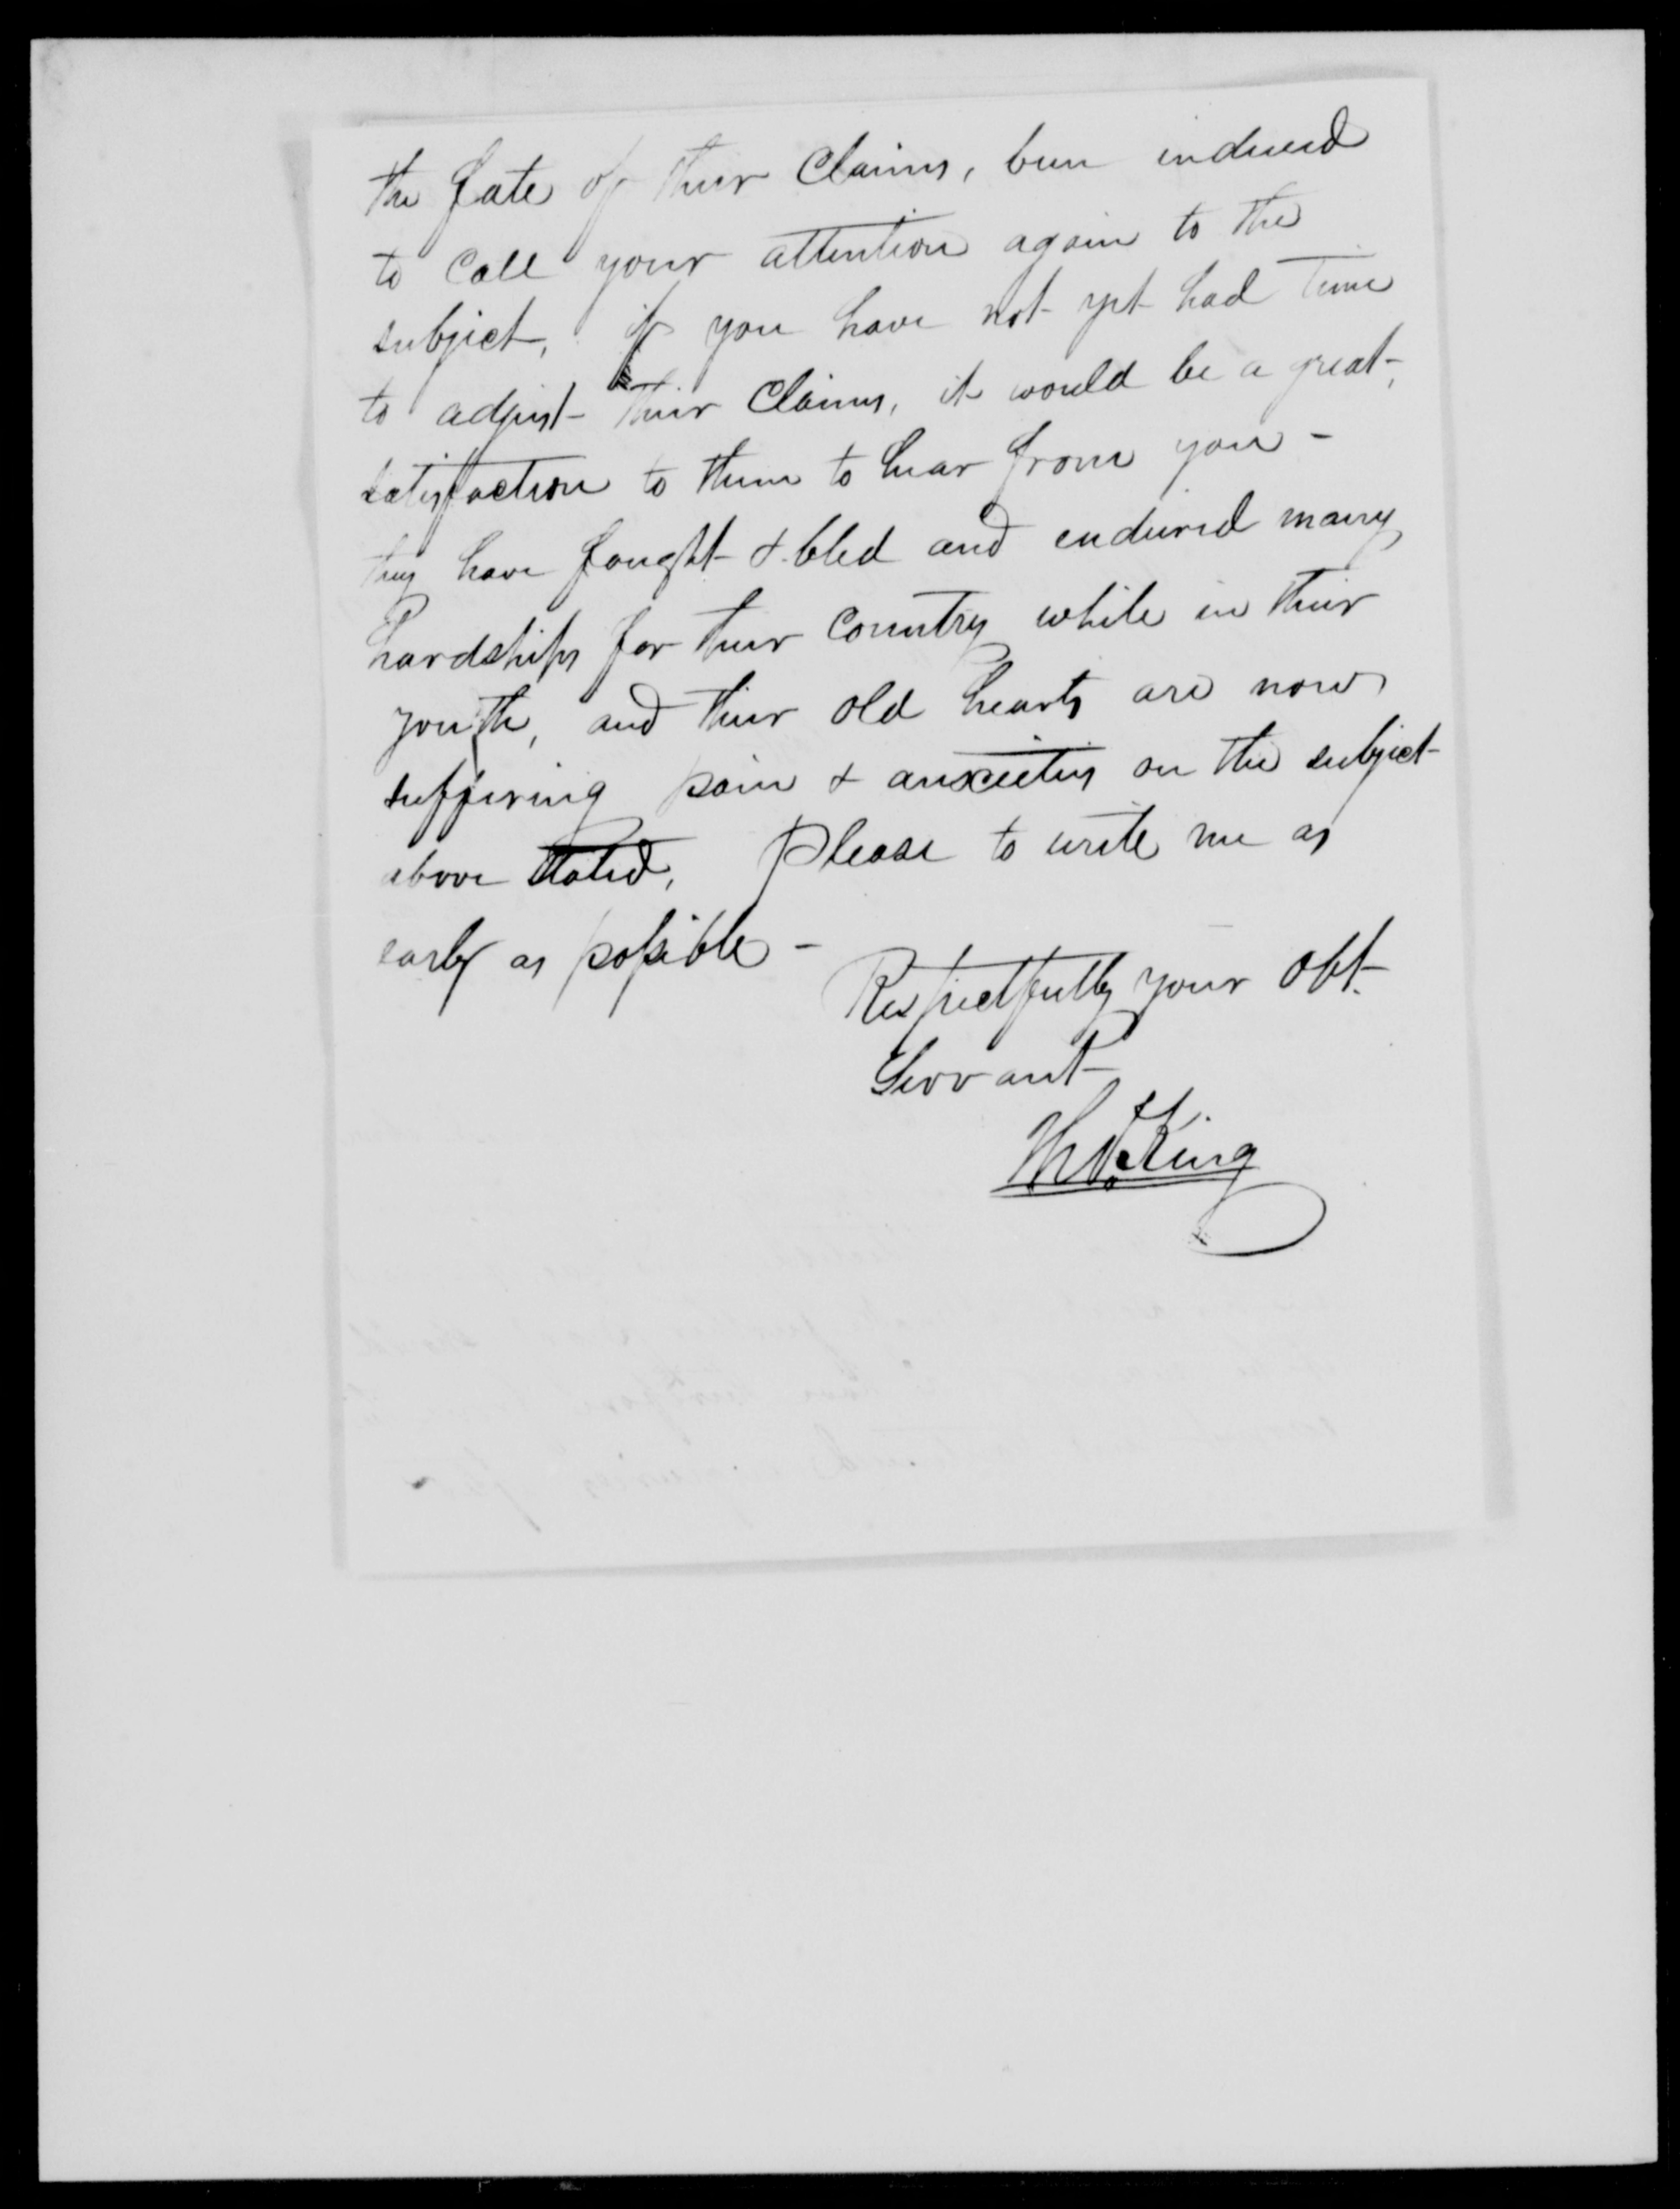the fate of their claims, been induced to call your attention again to the subject, if you have not yet had time to adjust their claims, it would be a great satisfaction to them to hear from you - they have fought & bled and endured many
hardships for their country while in their youth, and their old hearts are now suffering pain & anxieties on the subject above stated. Please to write me as early as possible -
Respectfully your obt.
Servant
Thos. King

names: Thos King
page: 8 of 23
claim: rejected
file: R. 20,446, Benjamin Welch, Ga.